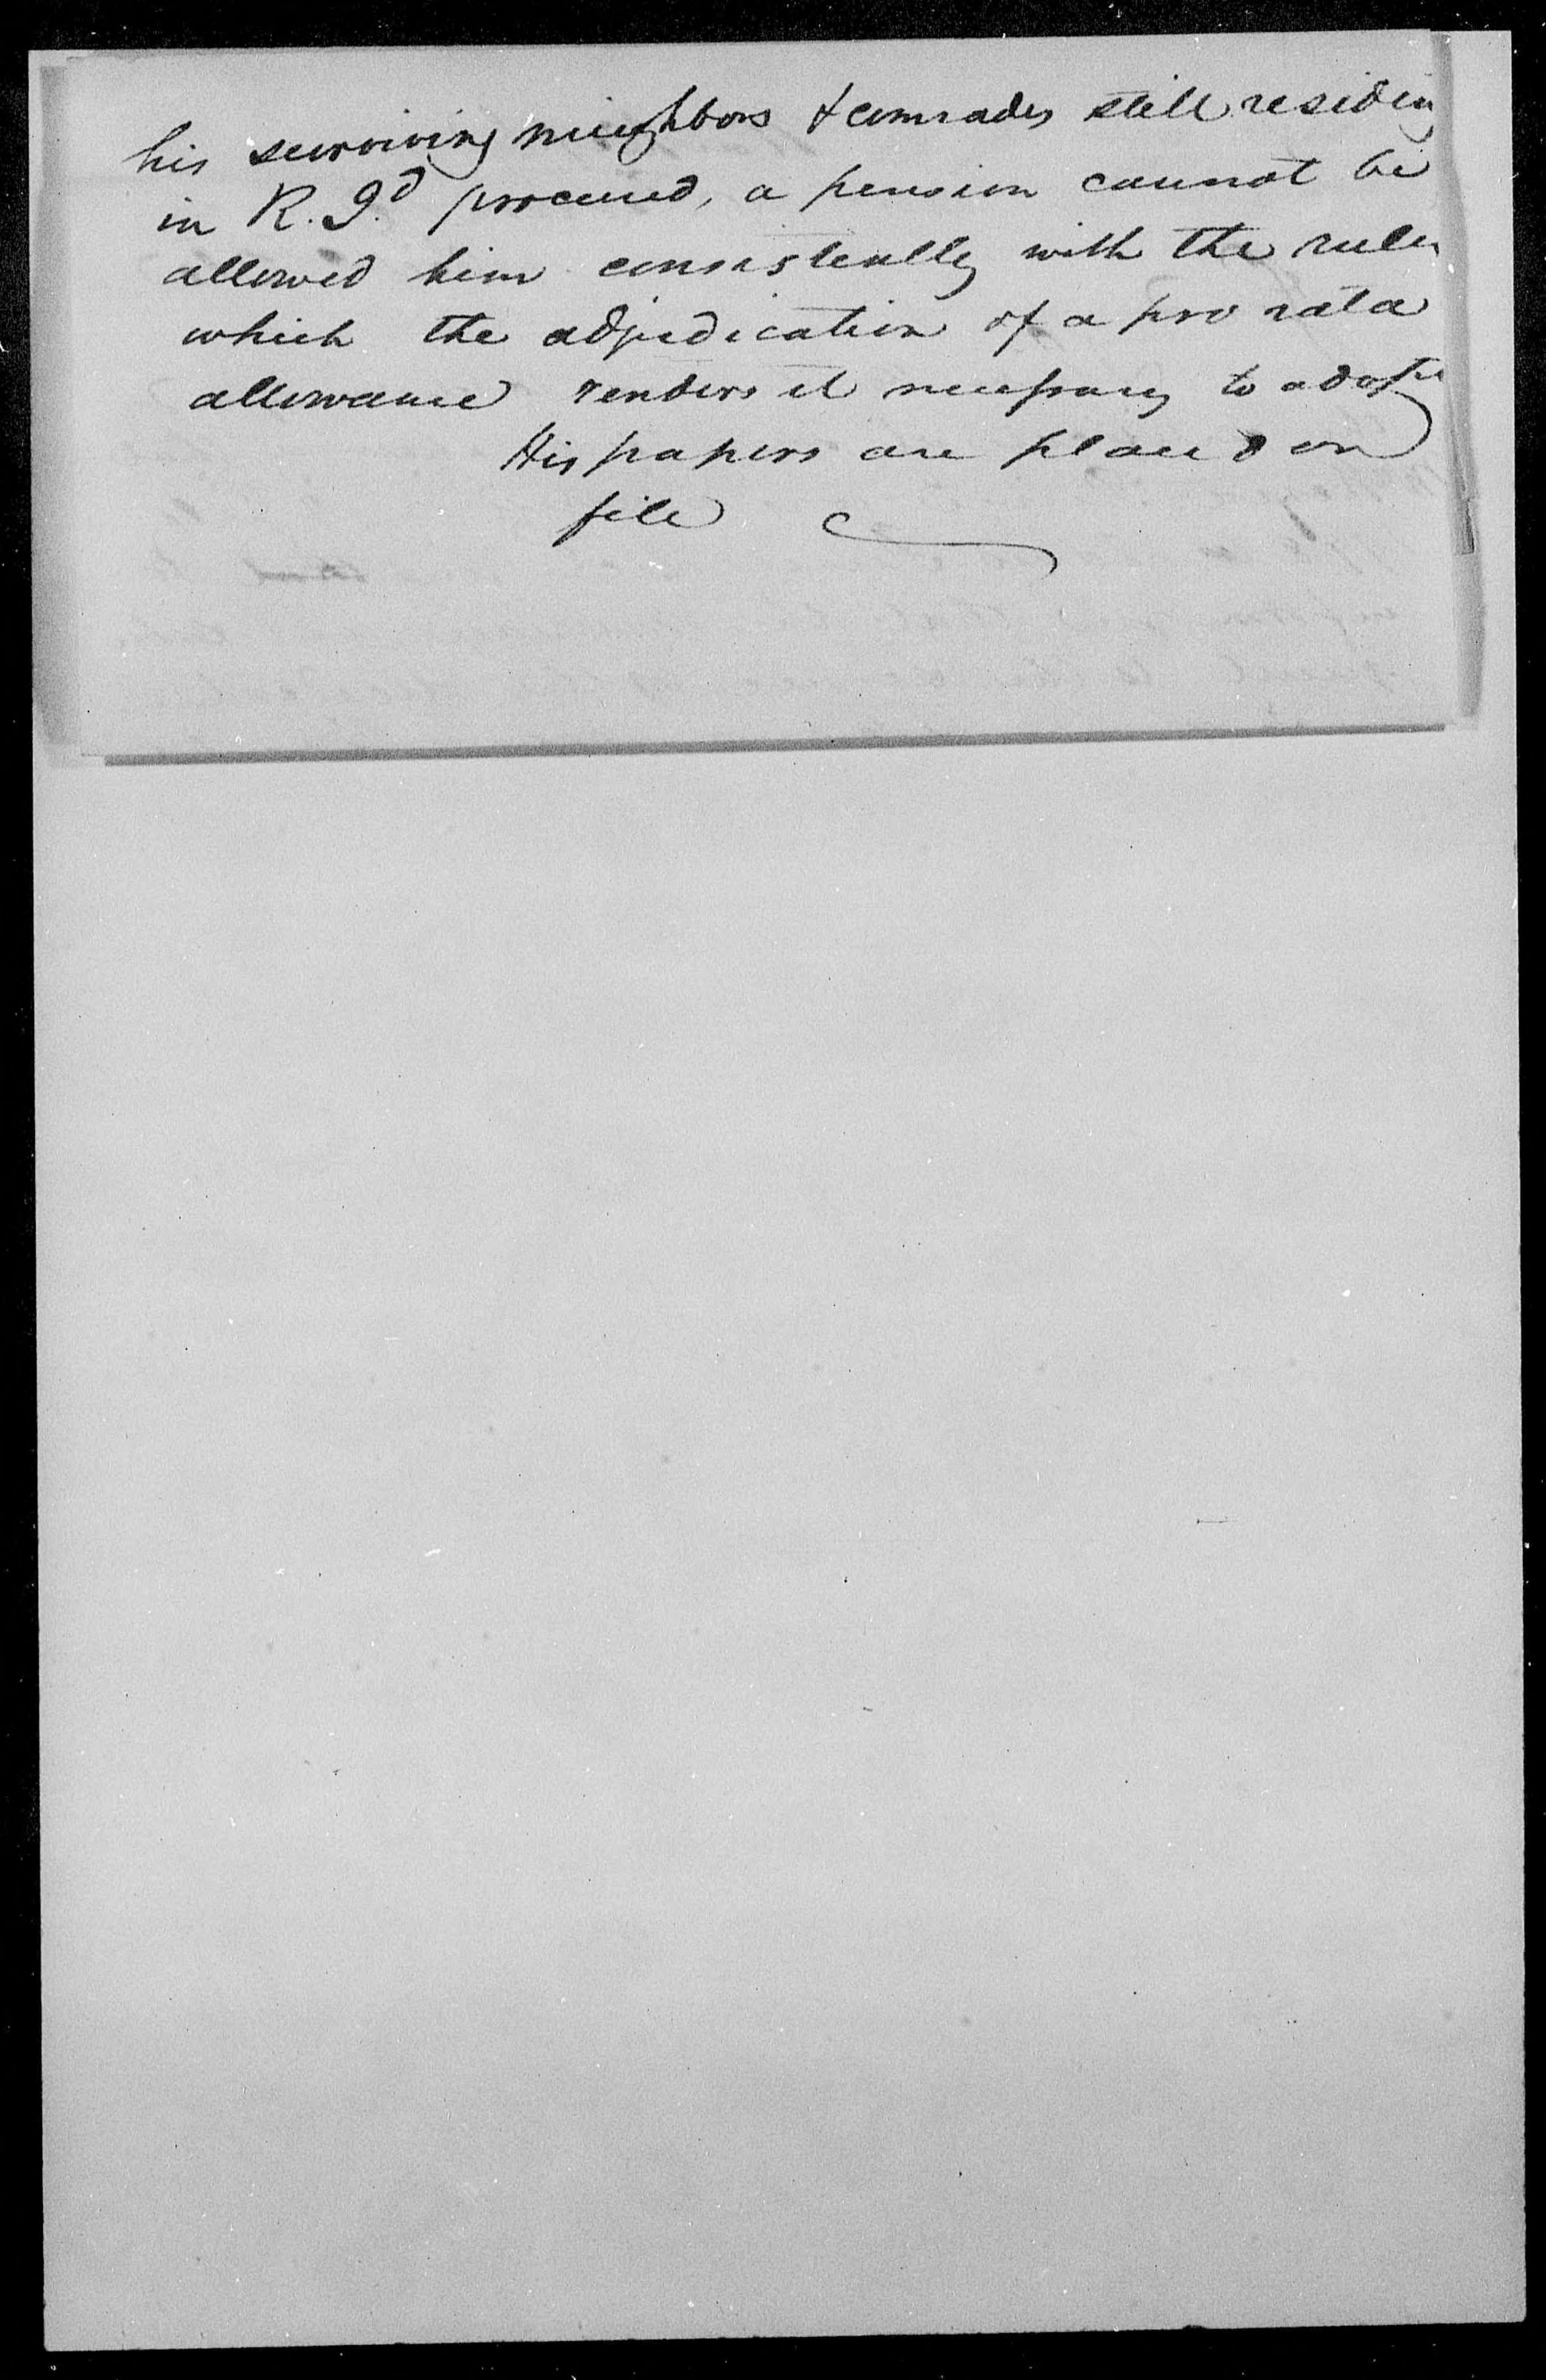his surviving neighbors & comrades residing in R.I. secured a pension cannot be allowed him consistently with the rules which the adjudication of a pro rata allowance renders it necessary to adopt. his papers are placed on file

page: 21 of 42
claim: rejected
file: R. 2,625, Benjamin Dake, R.I.